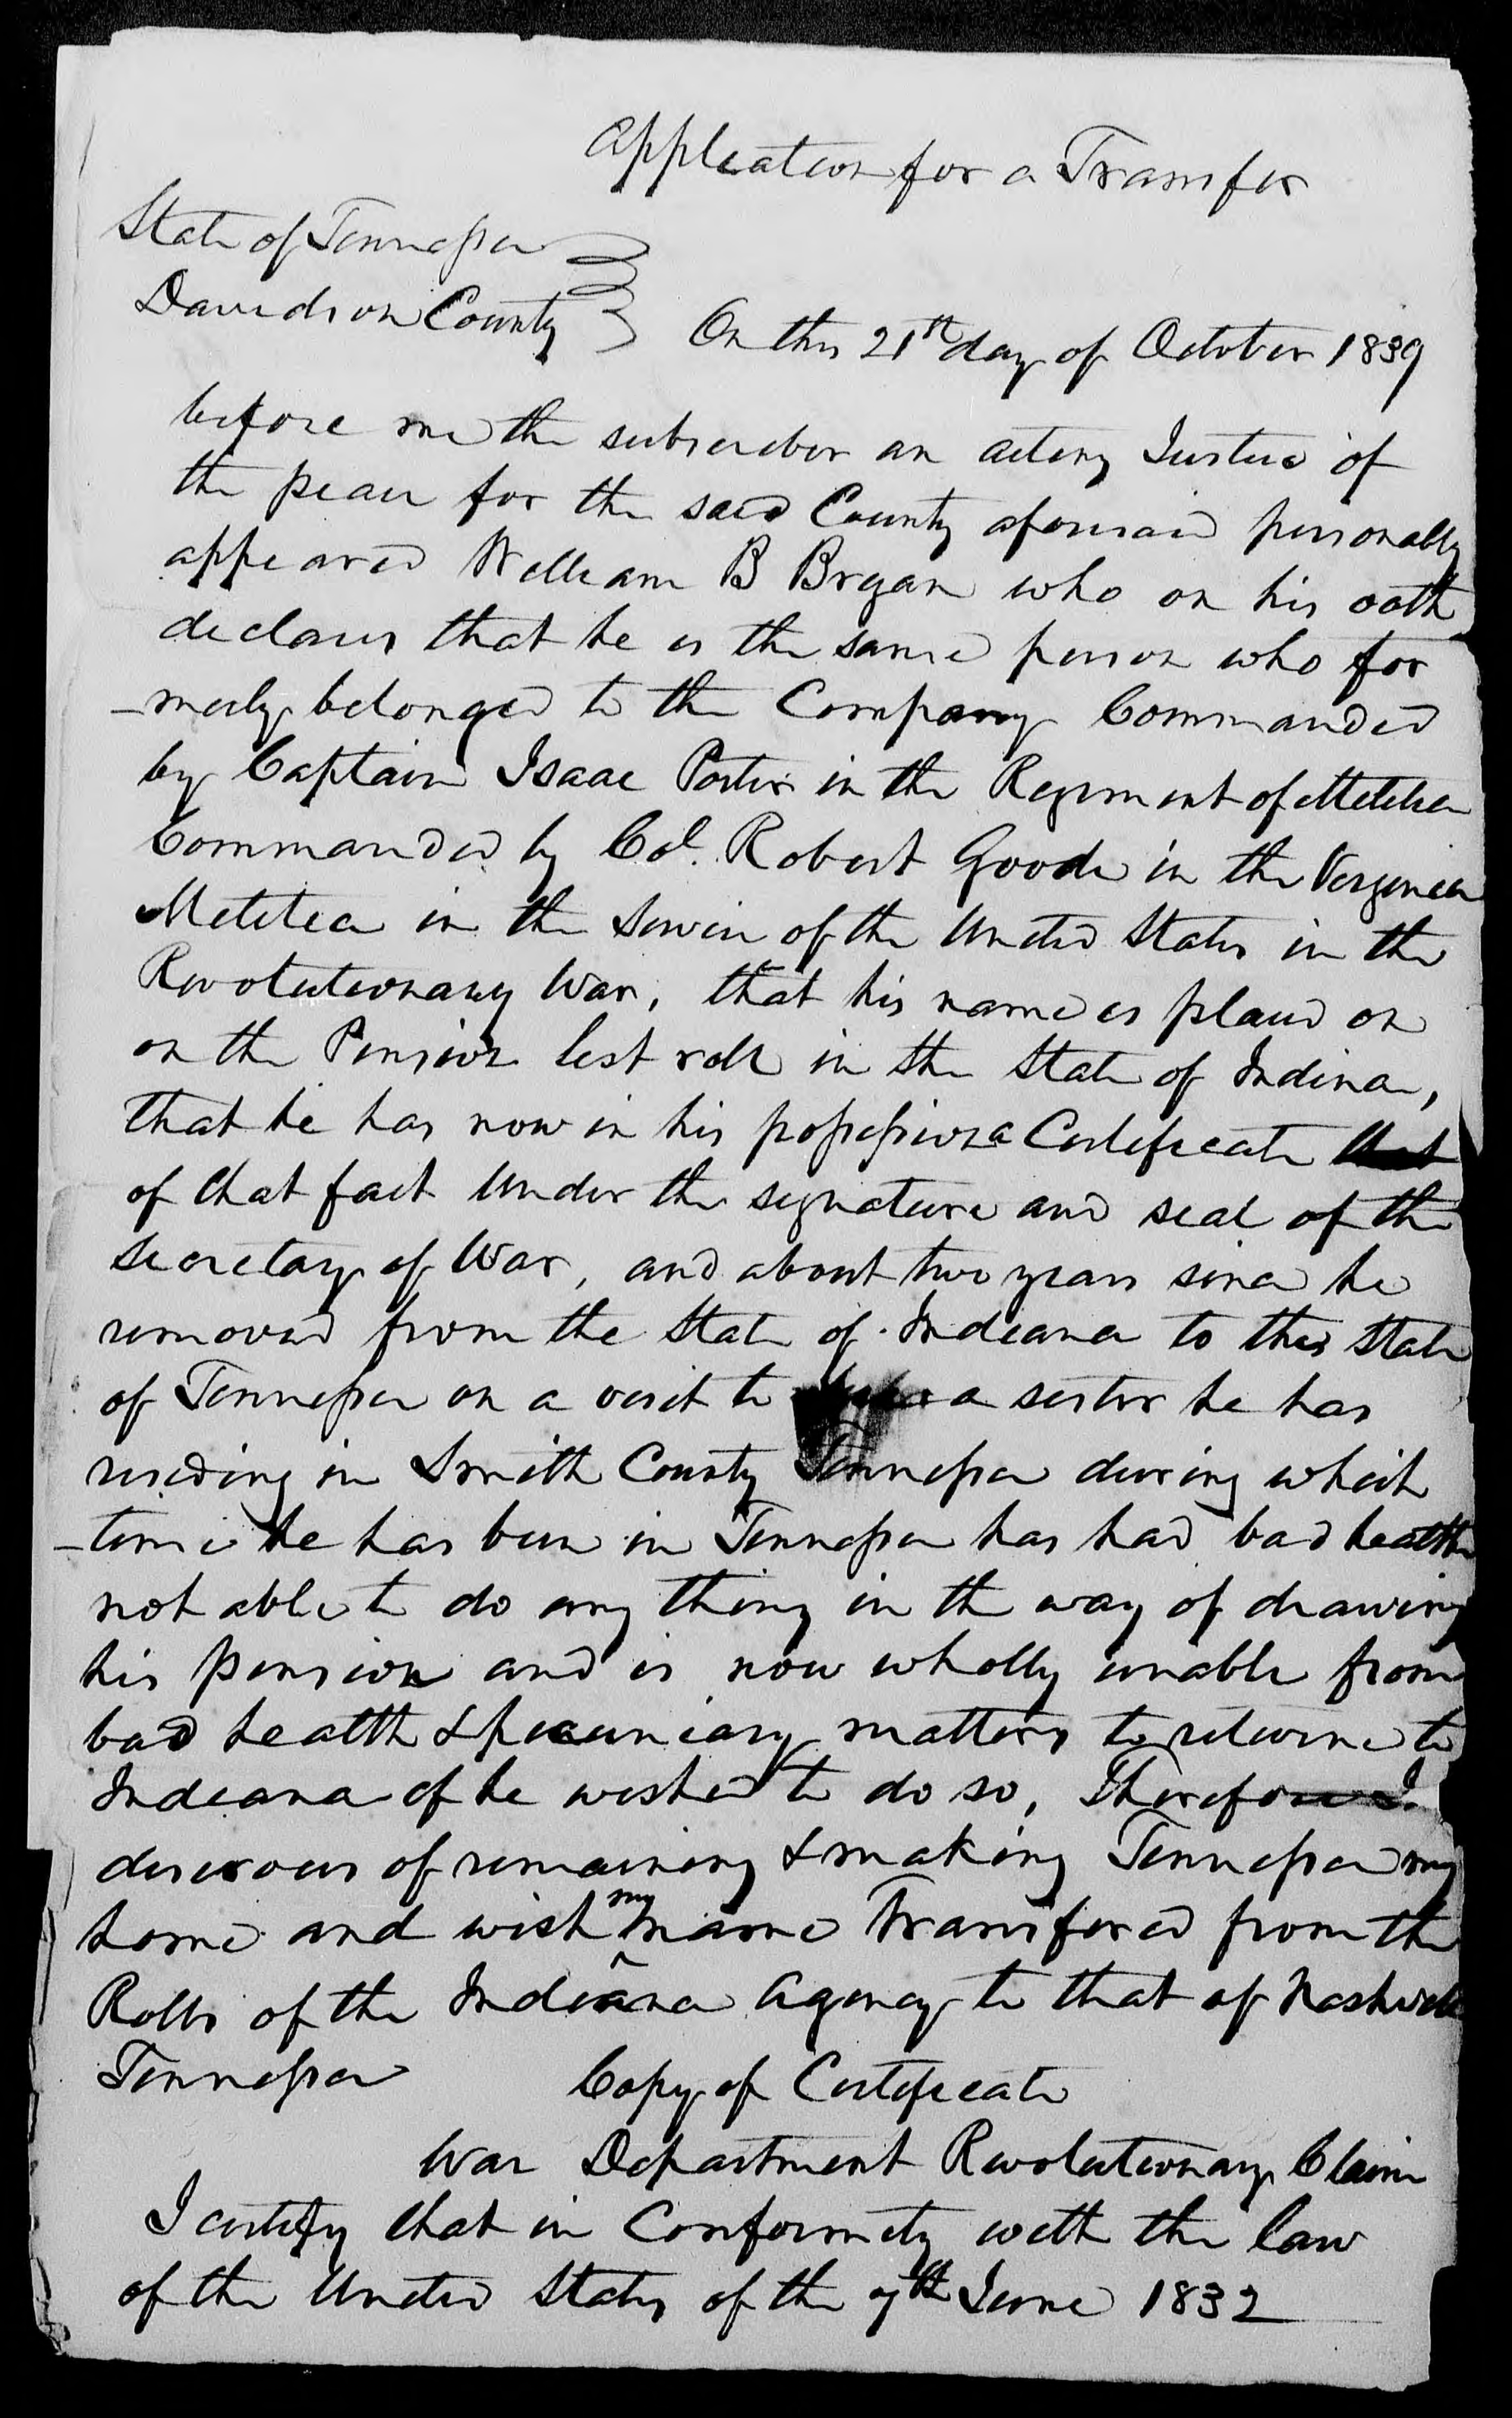Applcation for a Transfer

State of Tennessee
Davidson County] On this 21st day of October 1839

before me the subscriber an acting Justice of 
the peace for the said County aforesaid personally
appeared William B Bryan who on his oath
declares that he is the same person who formerly belonged to the Company Comanded
by Captain Isaac Porter in the Regiment of Militia
Commanded by Col. Robert Goode in the Virginia
Militia in the Service of the United States in the
Revolutionary War, that his name is [illegible] on
on the Pension list role in the State of Indina,
that he has now in his possession a Certificate
of that fact under the signature and seal of the
Secretary of War, and about two years since he
removed from the State of Indiana to this State
of Tennessee on a unit to [illegible] a [illegible] he has
residing in Smith County Tennessee during which
time he has been in Tennessee has had bad health
not able to do anything in the way of drawing
his pension and is now wholly unable from
had health + pensionary matters to return to
Indiana of he wished to do so, Therefore I 
[illegible] of remaining + making Tennessee my
home and wish my name transferred from the
Roll of the Indiana Agency to that of Nashville
Tennessee

Copy of Certificate
War Department Revolutionary Claim
I certify that in Conformity with the law
of the United States of the 7th June 1832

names: William B Bryan, Isaac Porter, Robert Goode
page: 7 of 31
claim: survivor's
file: S. 3049, William G Bryant, Va.